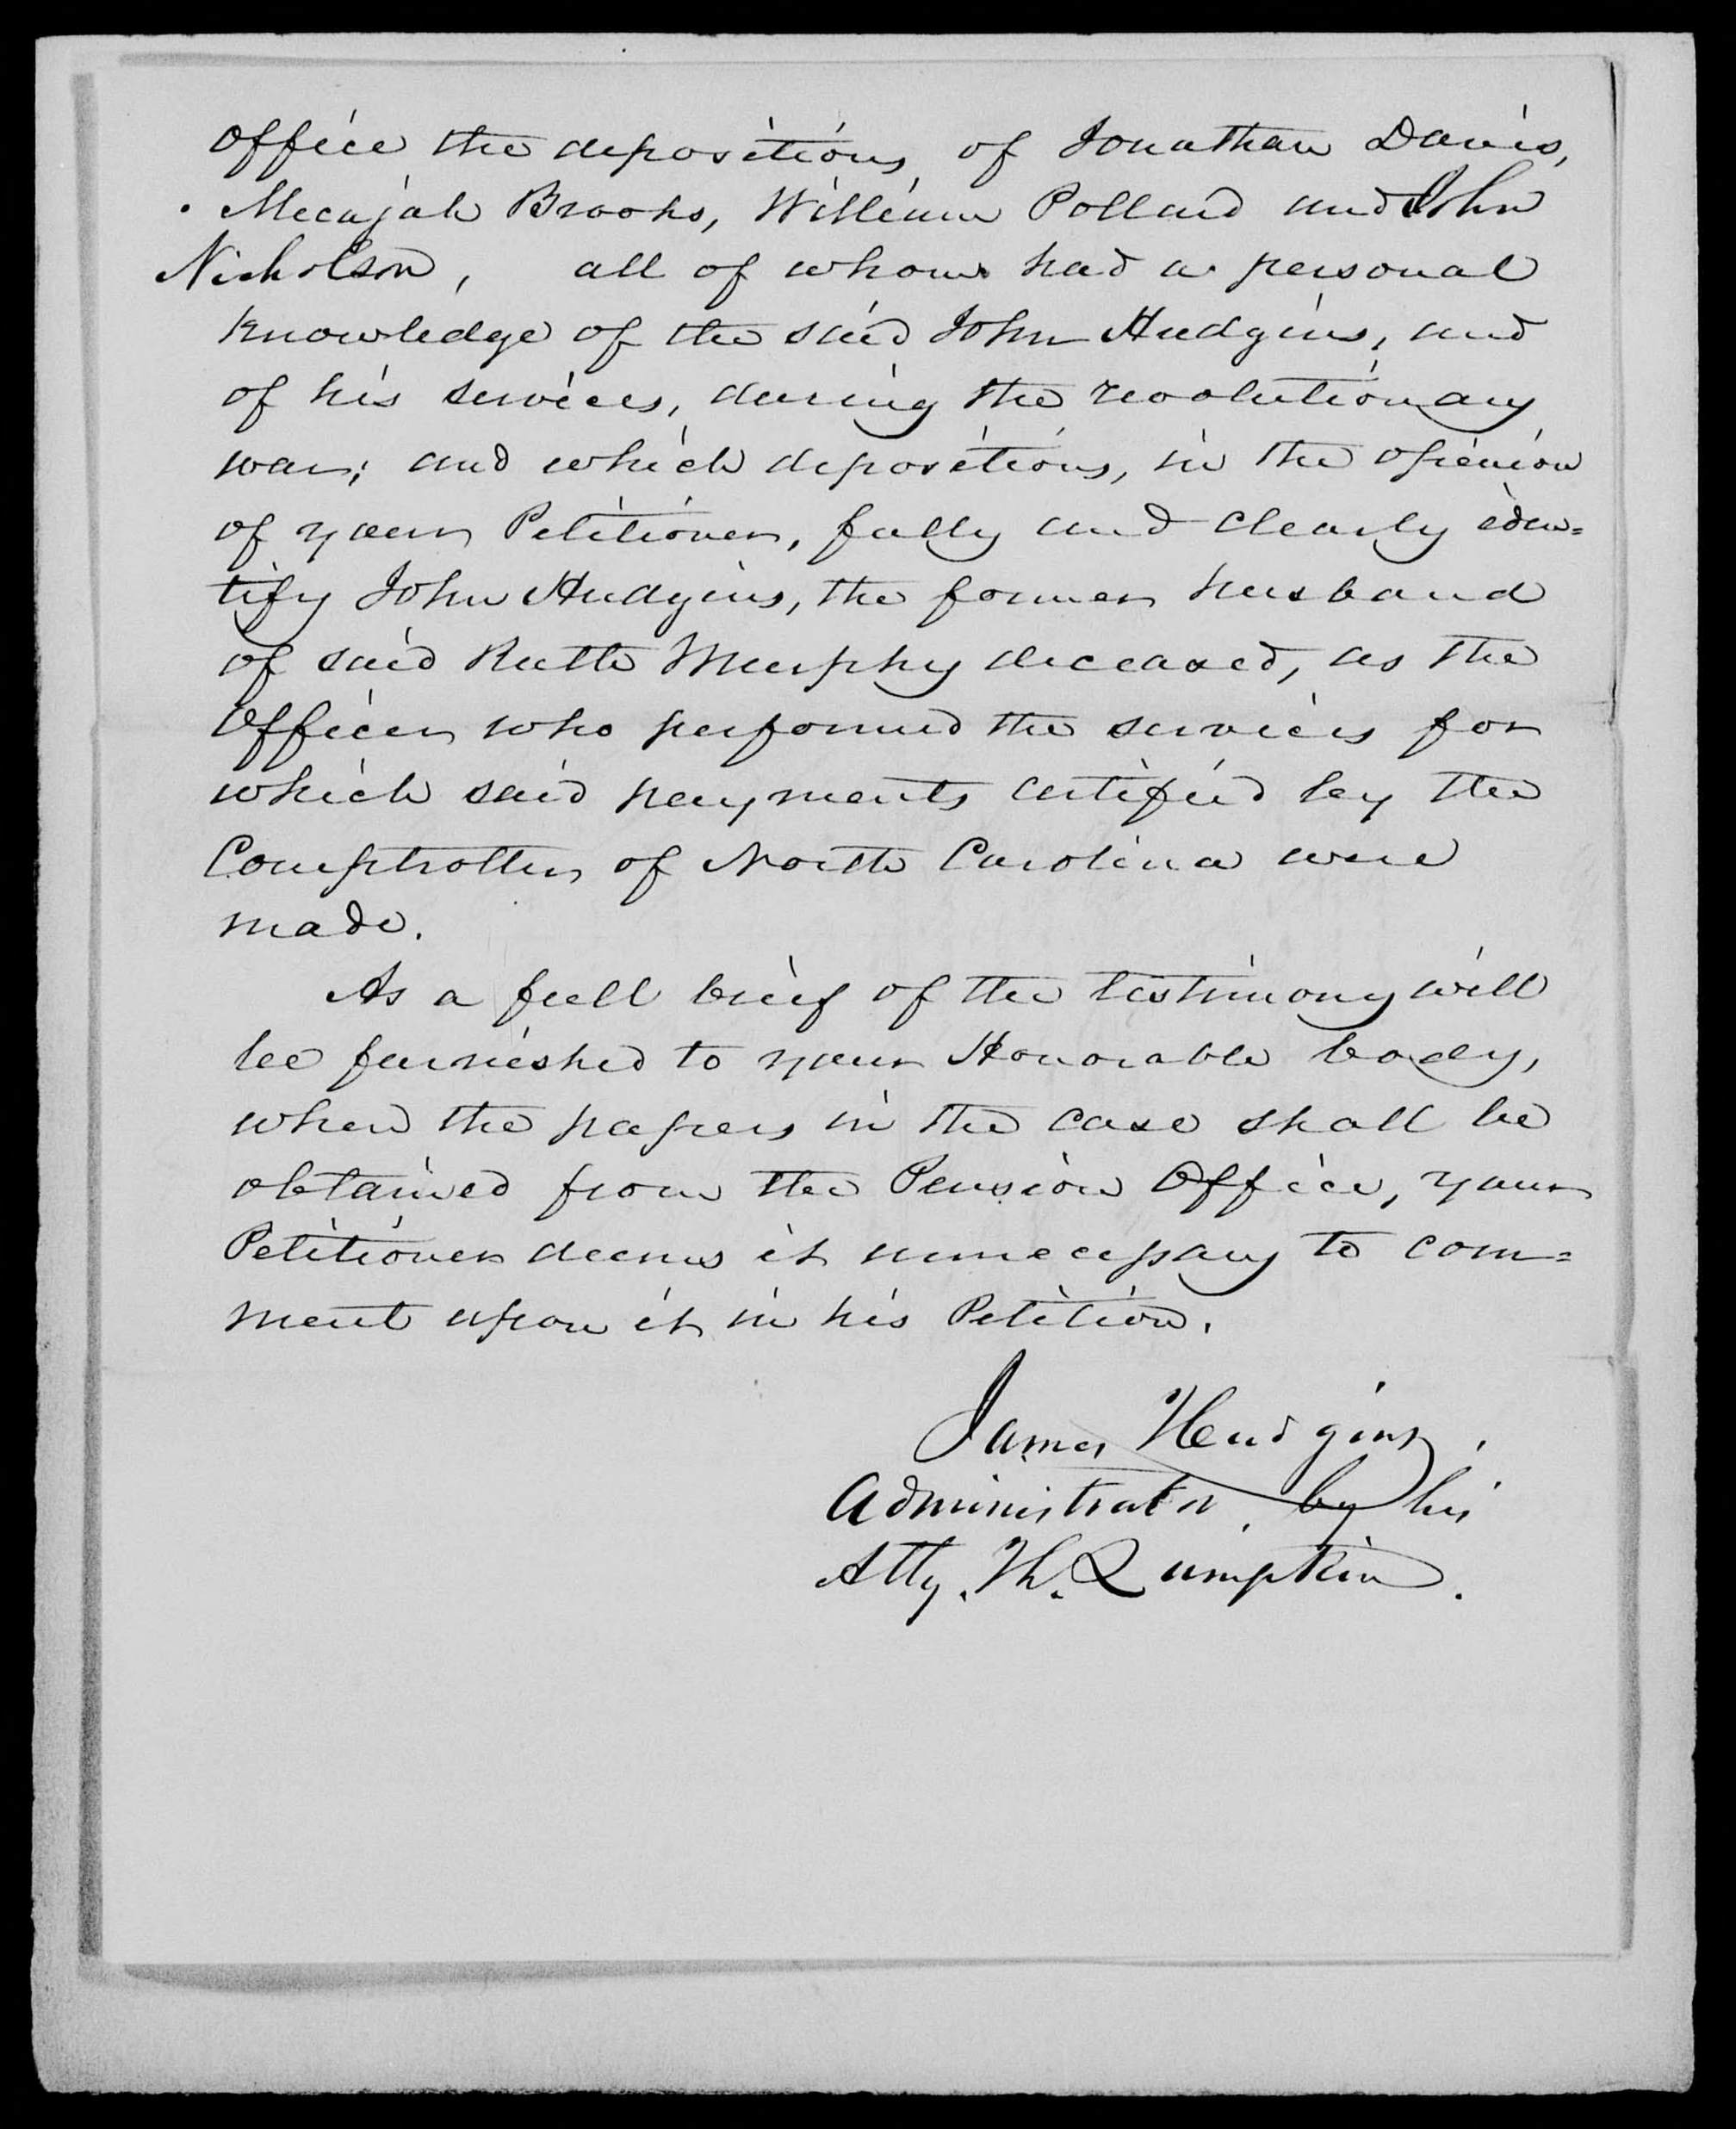Office the depositions of Jonathon Davis, Micajah Brooks, William Pollard, and John Nicholson all of whom had a  personal knowledge of the said John Hudgins, and of his services during the revolutionary war, and which depositions in the opinion of your petitioner, fully and clearly testify John Hudgins the former husband of said Ruth Murphy deceased, as the officer who performed the services for which said payments certified by the Comptroller of North Carolina were made.

     As a full brief of their testimony will be furnished to your Honorable body whom the papers in the case shall be obtained from the Pension Office, your Petitioner deems it unnecessary to come meet upon it in his petition.
James Hudgins
Administrator by his 
Atty TH Lumpkin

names: John Hudgins, Th Lumpkin, Jonathan Davis, James Hudgins, William Pollard, Ruth Murphy, Micajah Brooks, John Nicholson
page: 102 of 108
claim: rejected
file: R. 7,515, John Hudgins, N.C.